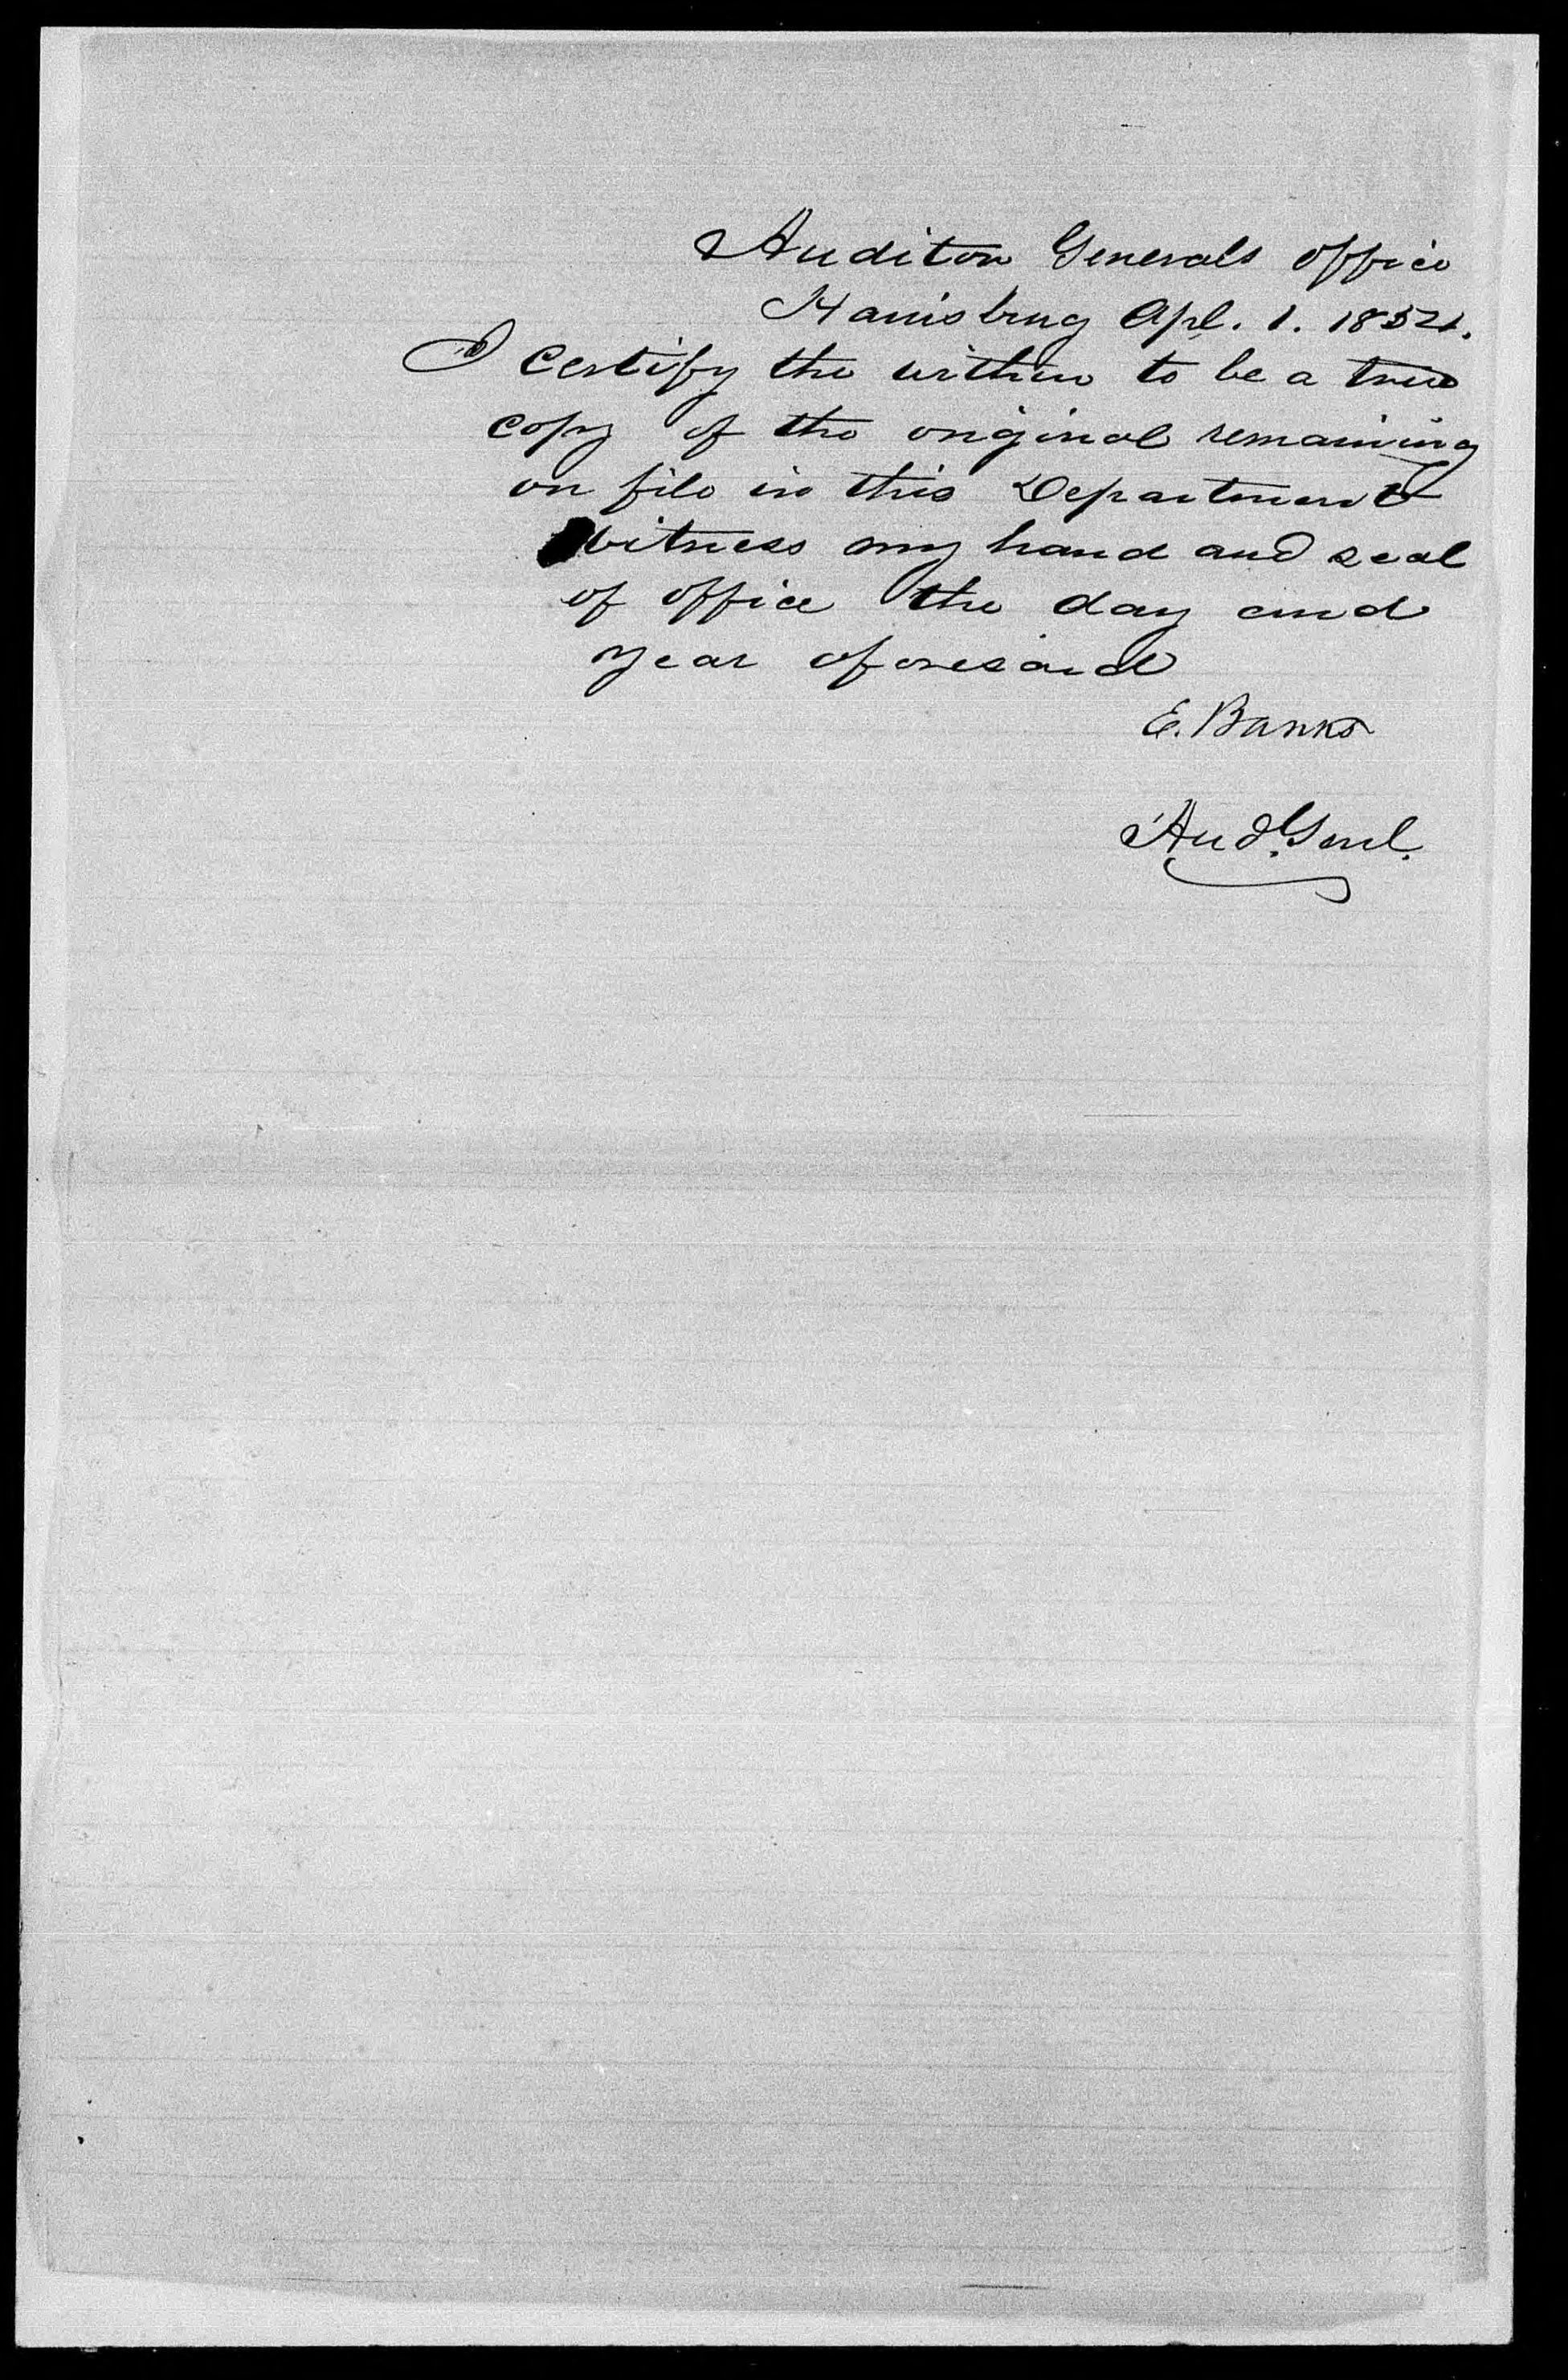Auditor Generals office
Harrisburg Apl. 1. 1854.
I certify the within to be a true copy of the original remaining on file in this Department & witness my hand and seal of office the day and year aforesaid
E. Banns

Aud. Genl.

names: E Banns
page: 51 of 63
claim: widow's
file: W. 3228, John Daly, Penn.